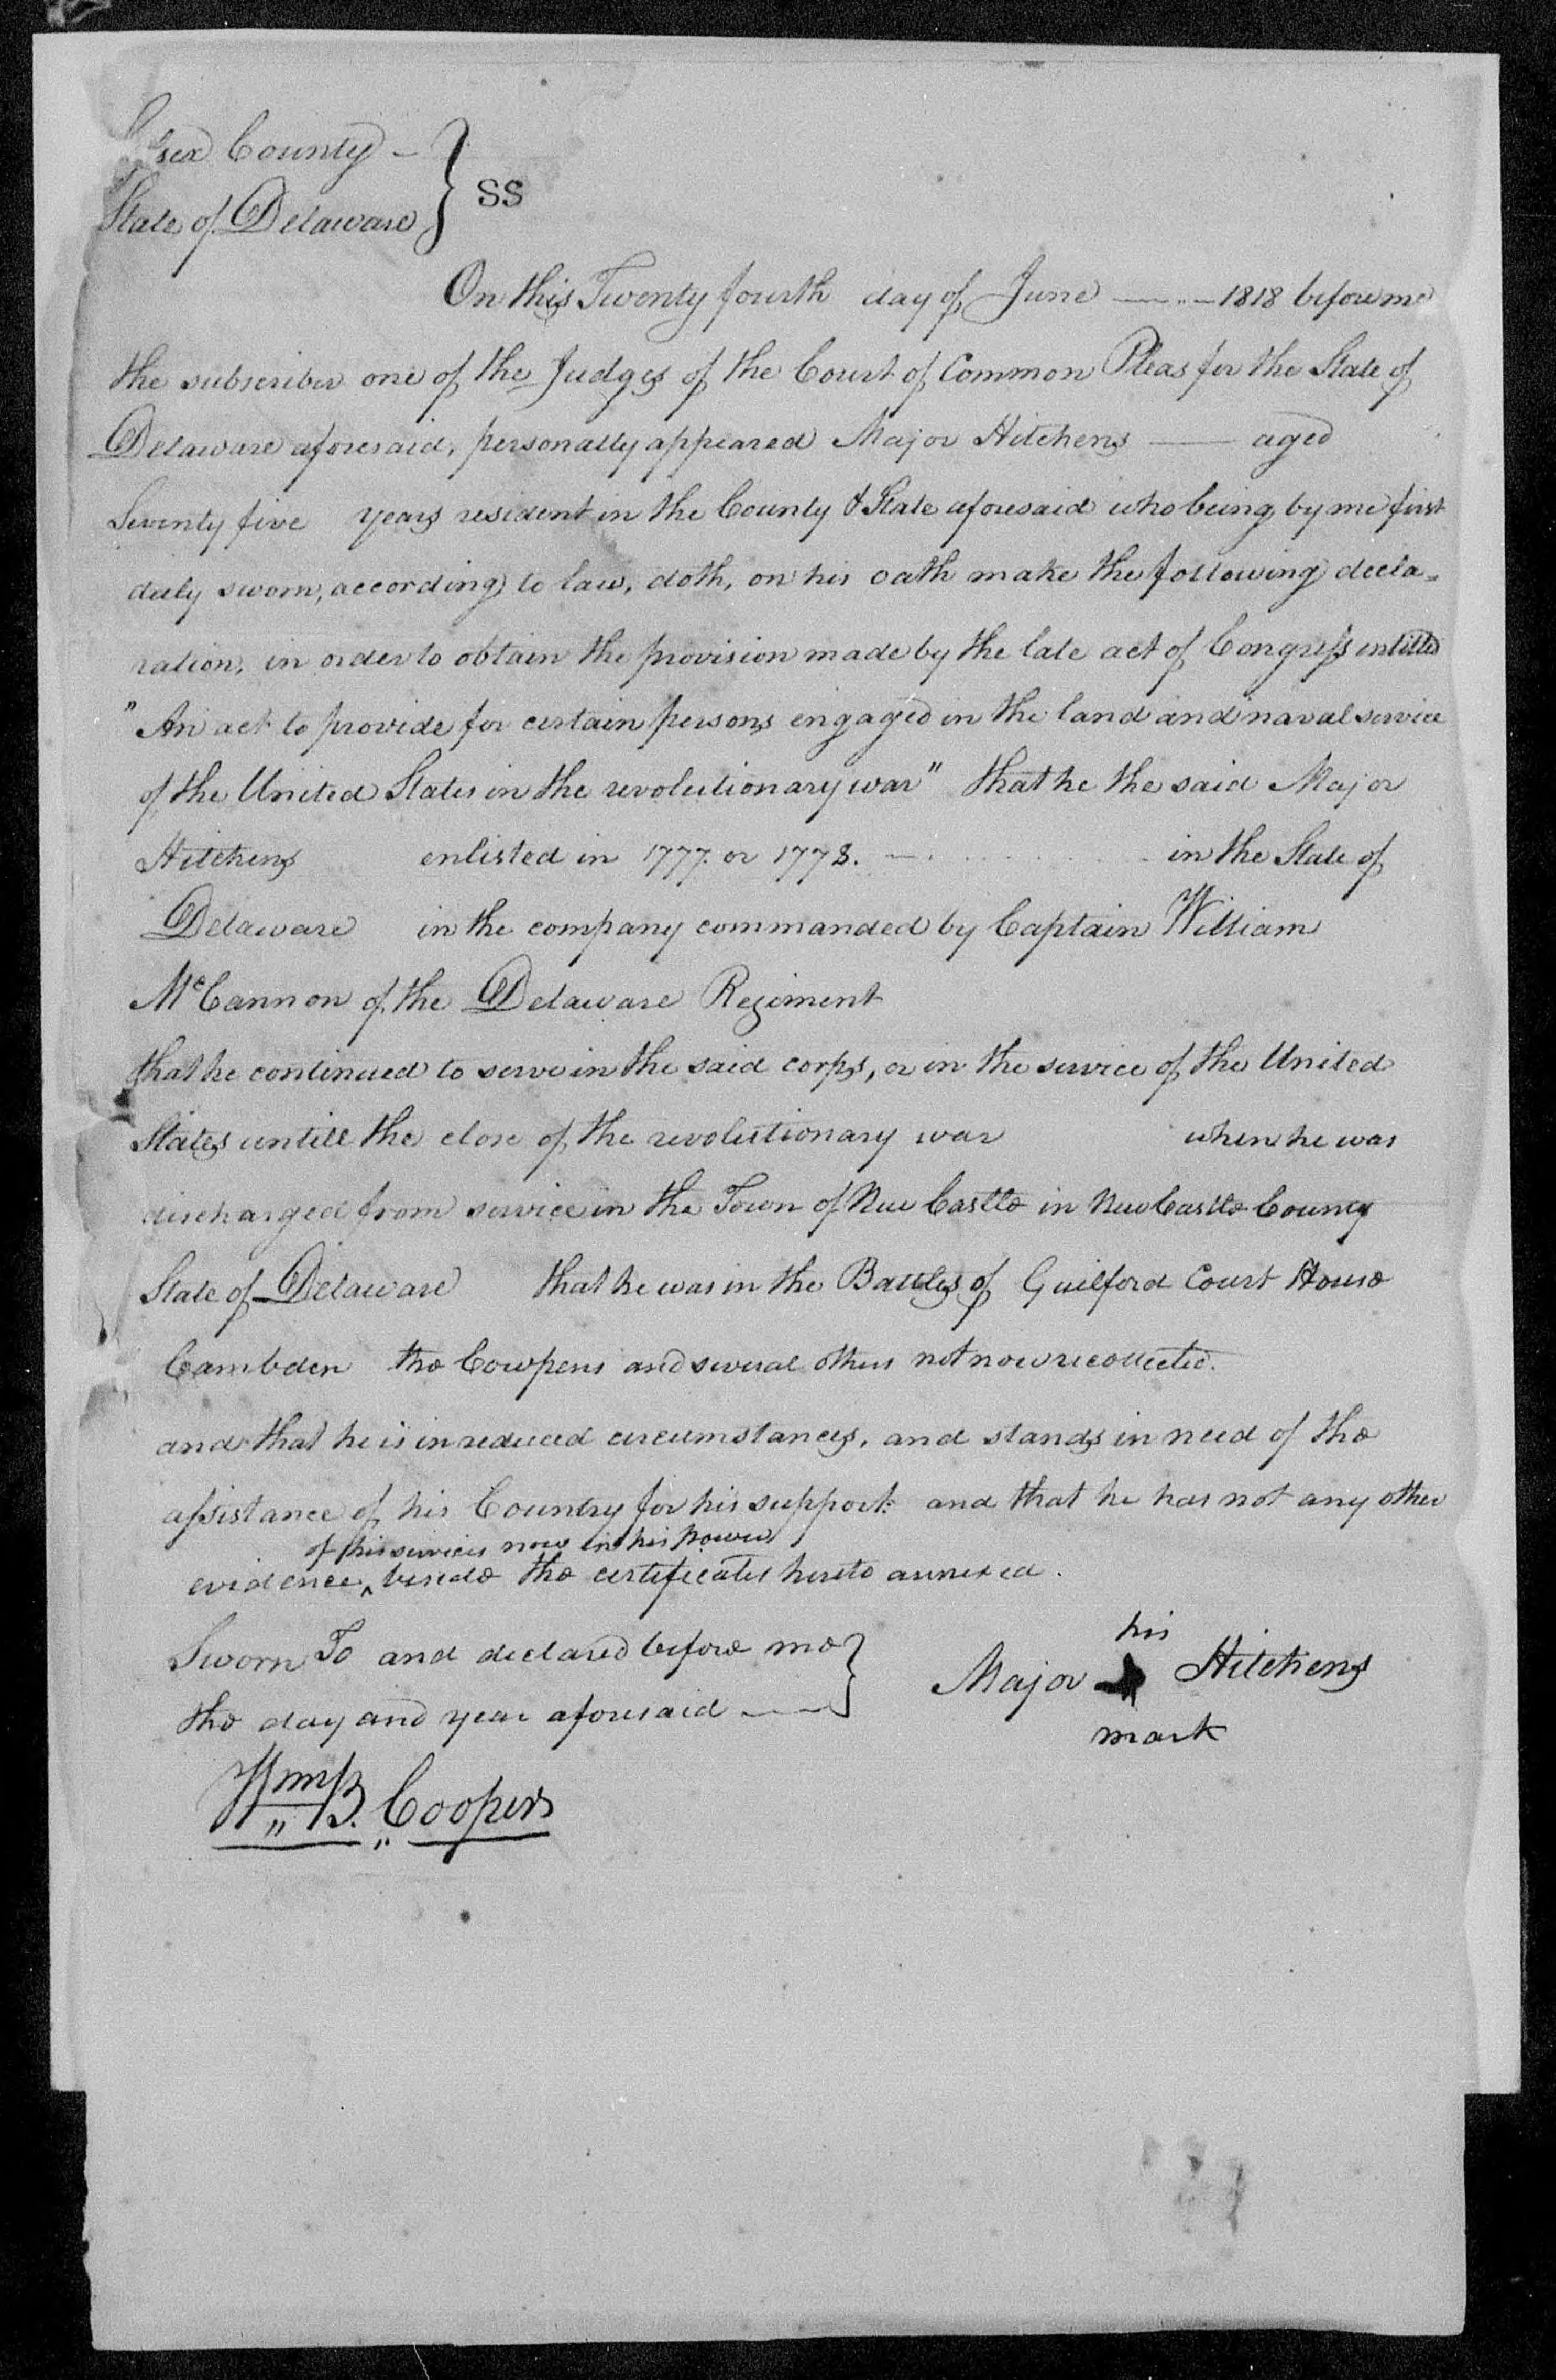Sussex County
State of Delaware

On this twenty fourth day of June -------- 1818 before me the subscriber one of the Judges of the Court of Common Pleas for the State of Delaware aforesaid, personally appeared Major Hitchens ----- aged seventy five years resident in the County of State aforesaid who being by me first duty sworn, according to law, doth on his oath make the following declaration, in order to obtain the provision made by the late act of Congress entitled "An act to provide for certain persons engaged in the land and naval service of the United States in the revolutionary war" that he the said Major Hitchens enlisted in 1777 or 1778 ------- in the State of Delaware in the company commanded by Captain William McCannon of the Delaware Regiment

that he continued to serve in the said corps, or in the service of the United States untill the close of the revolutionary war when he was discharged from service in the town of New Castle in New Castle County State of Delaware

that he was in the Battles of Guilford Court House Cambden the Cowpers and several others not now recollected.

and that he is in reduced circumstances, and stands in needs of the assistance of his Country for his support and that he has not any other evidence of his services now and his hours beside the certificate hereto annexed.

Sworn to and declared before me the day and year aforesaid.  -- Major Hitchens. his mark.

Wm B. Coopers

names: William Mc Cannon, Major Hitchens, Wm B Coopers, Major Hitchens, Major Hitchens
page: 9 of 21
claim: survivor's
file: S. 36017, Major Hitchens, Del.